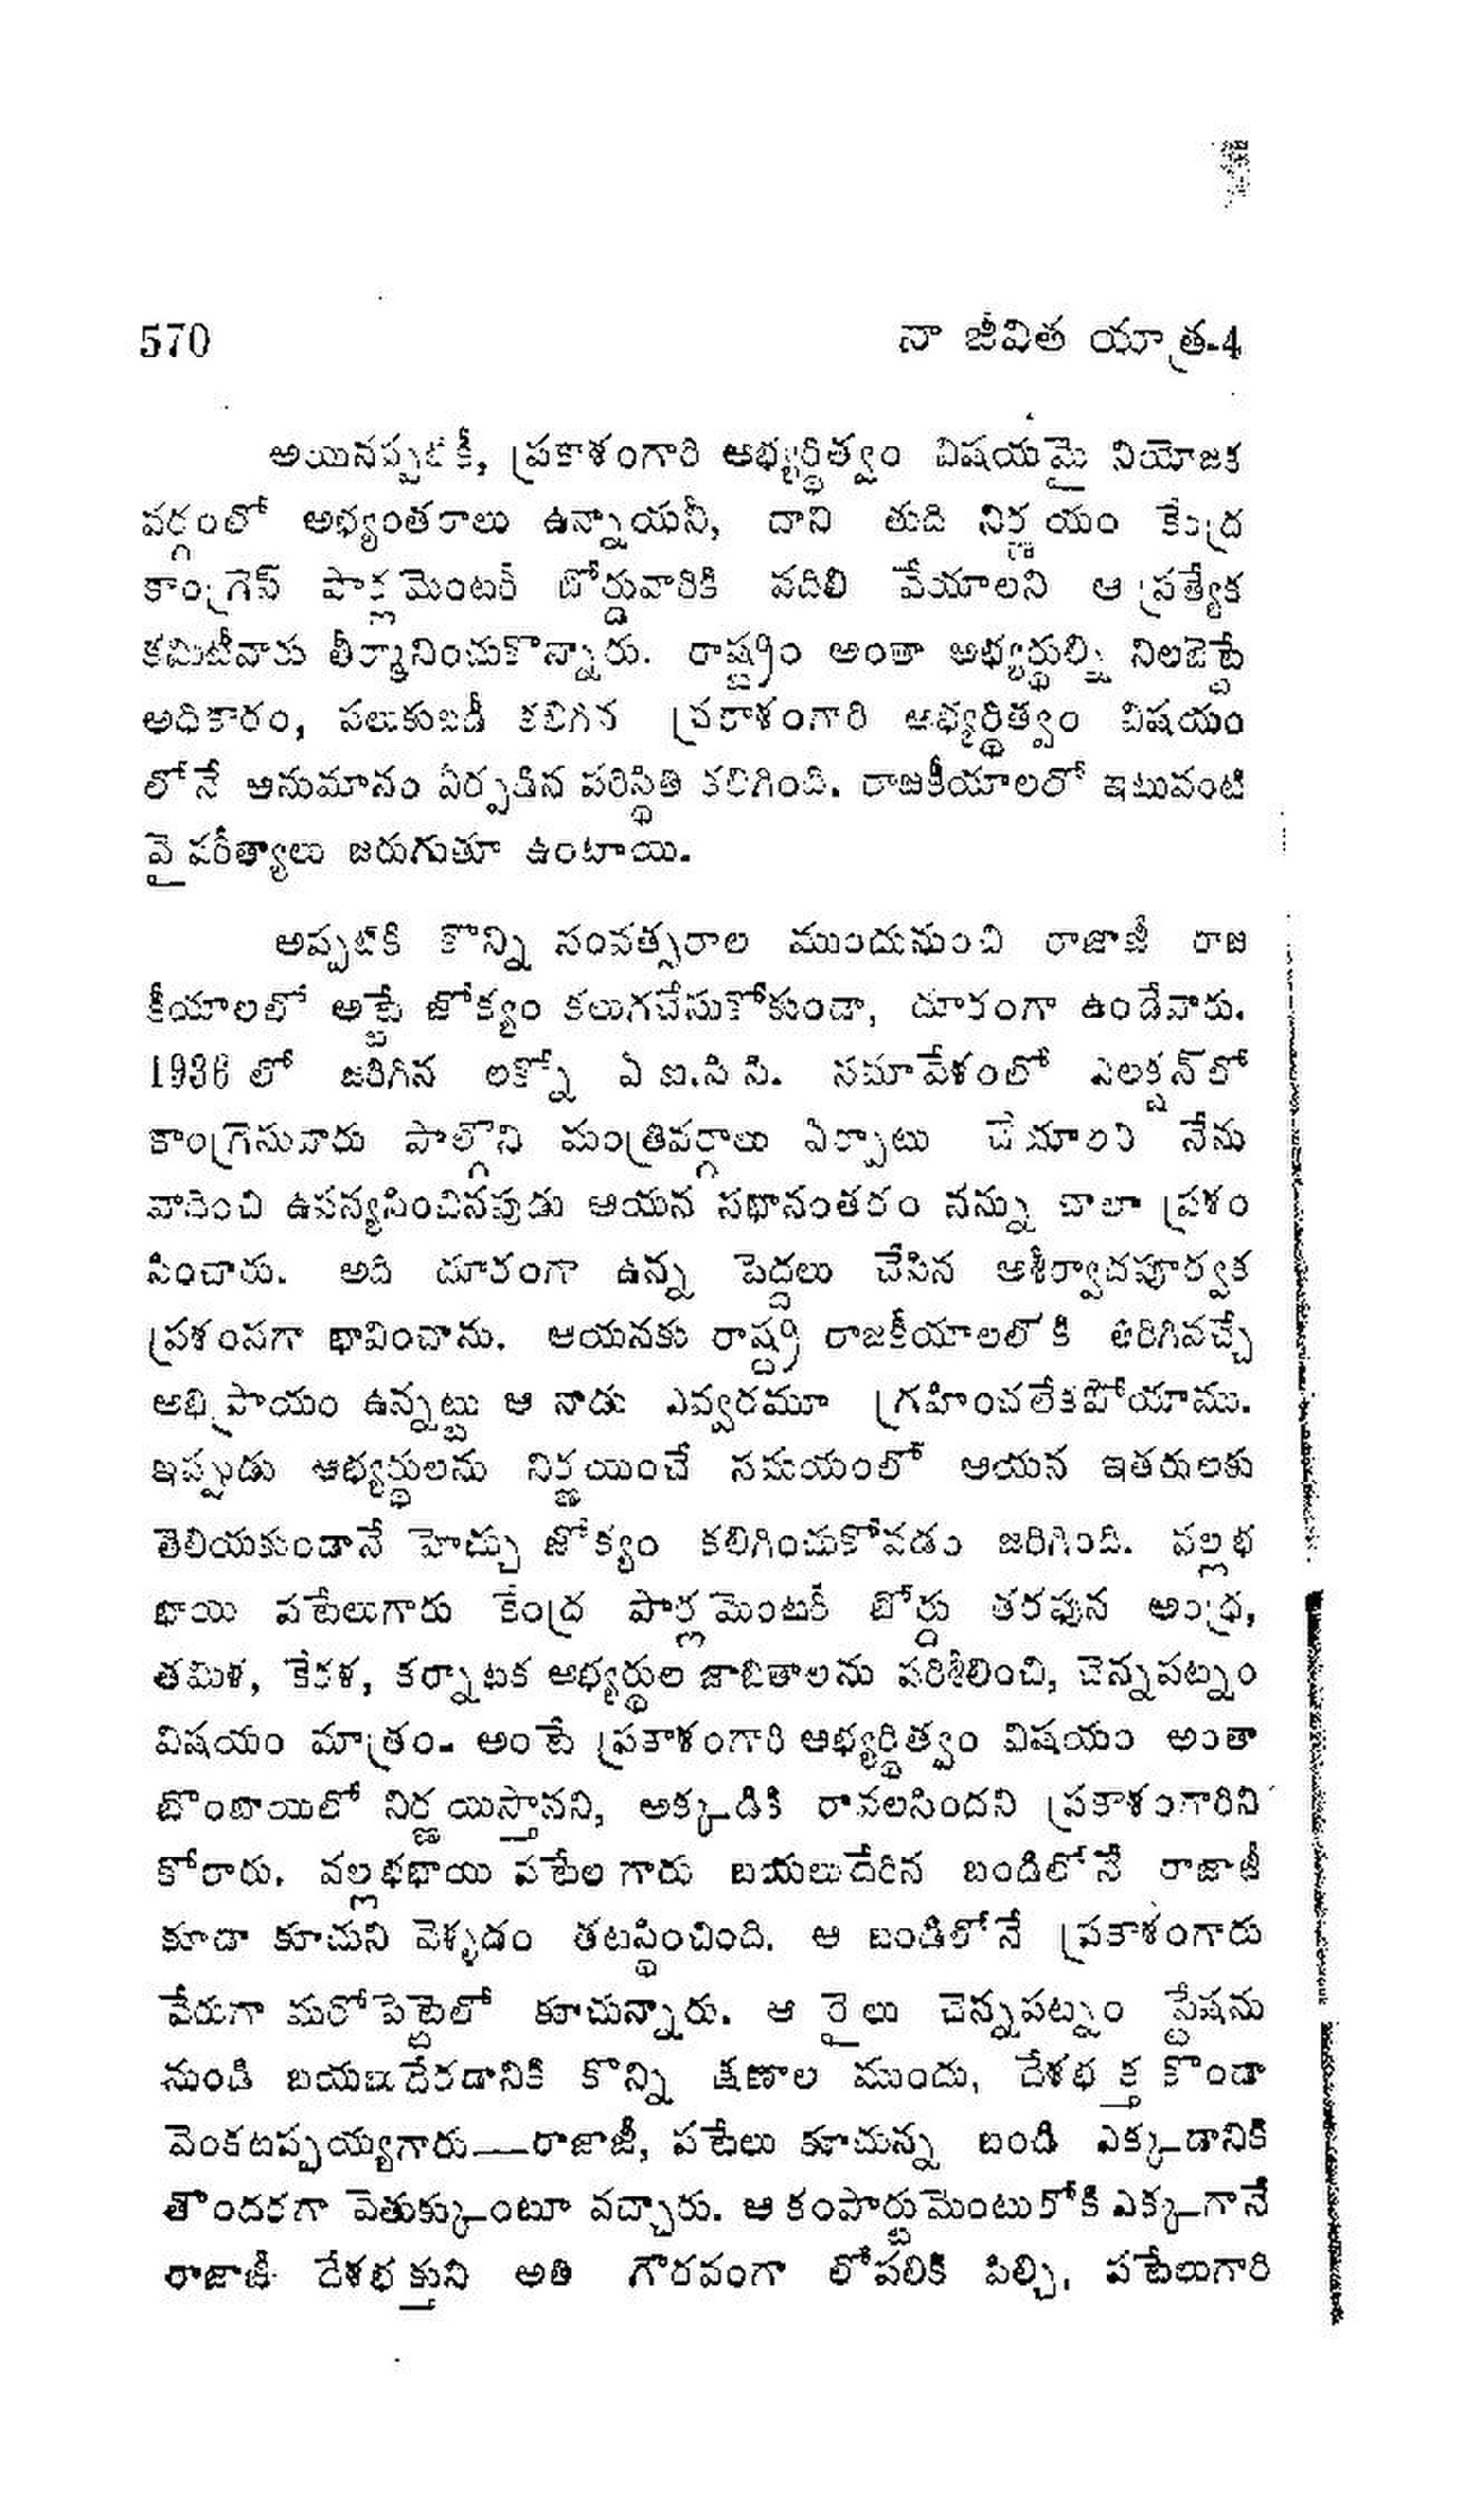అయినప్పటికీ, ప్రకాశంగారి అభ్యర్థిత్వం విషయమై నియోజక వర్గంలో అభ్యంతరాలు ఉన్నాయనీ, దాని తుది నిర్ణయం కేంద్ర కాంగ్రెస్ పార్లమెంటరీ బోర్డువారికి వదిలి వేయాలని ఆ ప్రత్యేక కమిటీవారు తీర్మానించుకొన్నారు. రాష్ట్రం అంతా అభ్యర్థుల్ని నిలబెట్టే అధికారం, పలుకుబడీ కలిగిన ప్రకాశంగారి అభ్యర్థిత్వం విషయంలోనే అనుమానం ఏర్పడిన పరిస్థితి కలిగింది. రాజకీయాలలో ఇటువంటి వైపరీత్యాలు జరుగుతూ ఉంటాయి.

అప్పటికి కొన్ని సంవత్సరాల ముందునుంచి రాజాజీ రాజకీయాలలో అట్టే జోక్యం కలుగచేసుకోకుండా, దూరంగా ఉండేవారు. 1936 లో జరిగిన లక్నో ఏ. ఐ. సి. సి. సమావేశంలో ఎలక్షన్‌లో కాంగ్రెసువారు పాల్గొని మంత్రివర్గాలు ఏర్పాటు చేయాలని నేను వాదించి ఉపన్యసించినపుడు ఆయన సభానంతరం నన్ను చాలా ప్రశంసించారు. అది దూరంగా ఉన్న పెద్దలు చేసిన ఆశీర్వాదపూర్వక ప్రశంసగా భావించారు. ఆయనకు రాష్ట్ర రాజకీయాలలోకి తిరిగివచ్చే అభిప్రాయం ఉన్నట్టు ఆ నాడు ఎవ్వరమూ గ్రహించలేక పోయాము. ఇప్పుడు అభ్యర్థులను నిర్ణయించే సమయంలో ఆయన ఇతరులకు తెలియకుండానే హెచ్చు జోక్యం కలిగించుకోవడం జరిగింది. వల్లభభాయి పటేలుగారు కేంద్ర పార్లమెంటరీ బోర్డు తరపున ఆంధ్ర, తమిళ, కేరళ, కర్నాటక అభ్యర్థుల జాబితాలను పరిశీలించి, చెన్నపట్నం విషయం మాత్రం - అంటే ప్రకాశంగారి అభ్యర్థిత్వం విషయం అంతా బొంబాయిలో నిర్ణయిస్తానని, అక్కడికి రావలసిందని ప్రకాశంగారిని కోరారు. వల్లభభాయి పటేల గారు బయలుదేరిన బండిలోనే రాజాజీ కూడా కూచుని వెళ్ళడం తటస్థించింది. ఆ బండిలోనే ప్రకాశంగారు వేరుగా మరోపెట్టెలో కూచున్నారు. ఆ రైలు చెన్నపట్నం స్టేషను నుండి బయలుదేరడానికి కొన్ని క్షణాల ముందు, దేశభక్త కొండా వెంకటప్పయ్యగారు - రాజాజీ, పటేలు కూచున్న బండి ఎక్కడానికి తొందరగా వెతుక్కుంటూ వచ్చారు. ఆ కంపార్టుమెంటులోకి ఎక్కగానే రాజాజీ దేశభక్తుని అతి గౌరవంగా లోపలికి పిల్చి, పటేలుగారి